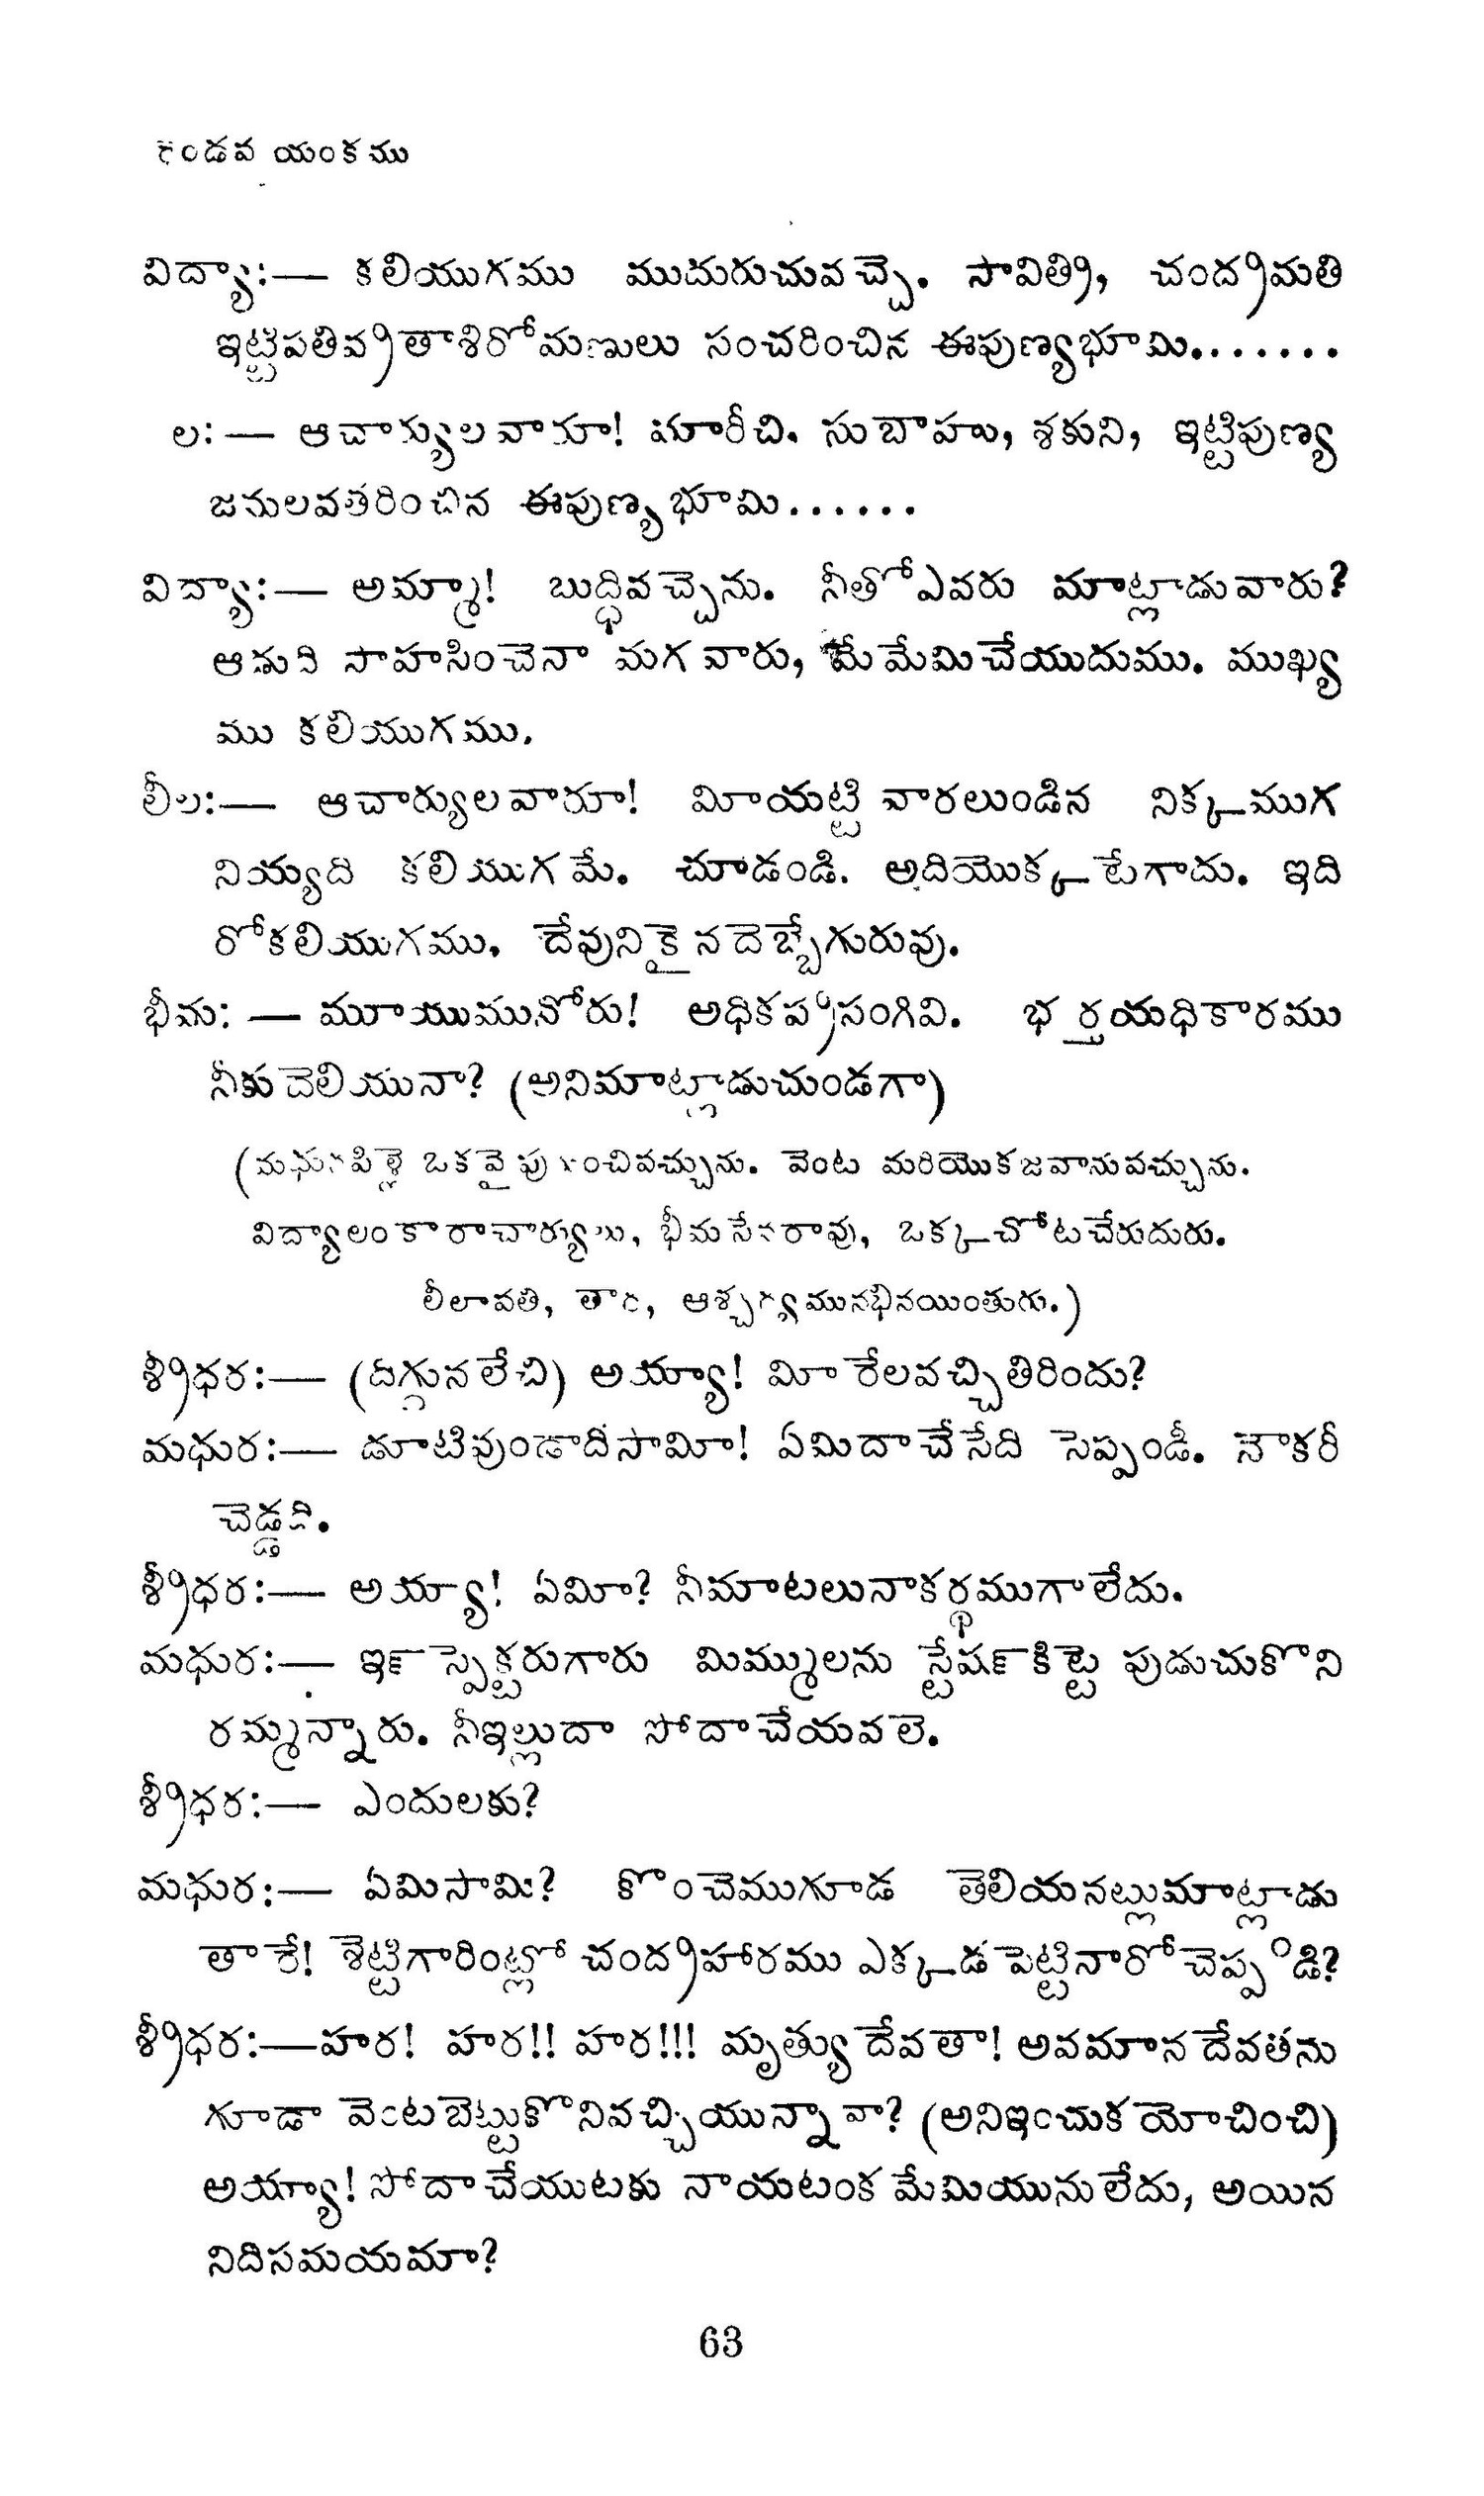విద్యా:- కలియుగము ముదుగుచువచ్చే. సావిత్రి, చంద్రమతి
ఇట్టి పతివ్రతా శిరోమణులు సంచరించిన ఈ పుణ్యభూమి.......

ల: - ఆచార్యుల వారూ! మారీచి, సుబాహు, శకుని, ఇట్టిపుణ్య
జనులవతరించిన ఈపుణ్య భూమి . . . . . .

విద్యా:— అమ్మా! బుద్దివ చ్చెను. నీతో ఎవరు మాట్లాడువారు?
ఆడుది సాహసించెనా మగ వారు, "మే మేమి చేయుదుము. ముఖ్య
ము కలియుగము,

లీ:- ఆచార్యుల వారూ! మీయట్టి వారలుండిన నిక్కముగ
నియ్యది కలియుగమే. చూడండి. అదియొక్కటేగాదు. ఇది
రోకలియుగము, దేవునికై న దెబ్బేగురువు.

భీమ: – మూయుమునోరు! అధిక ప్రసంగివి. భర్తయధికారము
నీకు దెలి యునా? (అనిమాట్లాడుచుండగా)

(మధుర పిళె ఒక వైపు ఉంచి వచ్చును. వెంట మరియొక జవాను వచ్చును.
విద్యాలం కారాచార్య , భీమ సేసరావు, ఒక్క చోట చేరుదురు.
లీలావతి, తార, ఆశ్చర్యమునభినయింతురు.)

శ్రీధర:- (దిగ్గున లేచి) అయ్యా! మీ రేలవ చ్చితిరిందు?

మధుర – డూటి వుండాది సామీ! ఏమి దా చేసేది సెప్పండీ. నౌకరీ
చెడ్డది.

శ్రీధర:— అయ్యా! ఏమి? నీమాటలునాకర్షముగాలేదు.

మధుర:- ఇక్' స్పెక్టరుగారు మిమ్ములను స్టేషక్ కిట్టె పుడుచుకొని
రమ్మన్నారు. నీ ఇల్లుదా సోదా చేయవలె.

శ్రీధర: - ఎందులకు?

మధుర:- ఏమిసామి! కొంచెముగూడ తెలియనట్లుమాట్లా
తారే! శెట్టిగారింట్లో చందహారము ఎక్కడ పెట్టినారో చెప్పండి?

శ్రీధర:—హర! హర!! హర!!! మృత్యు దేవతా! అవమాన దేవతను
గూడా వెంట బెట్టుకొనివచ్చియున్నావా? (అనిఇంచుక యోచించి)
అయ్యా! సోదా చేయుటకు నాయటంక మేమియును లేదు, అయిన
నిది సమయమా?